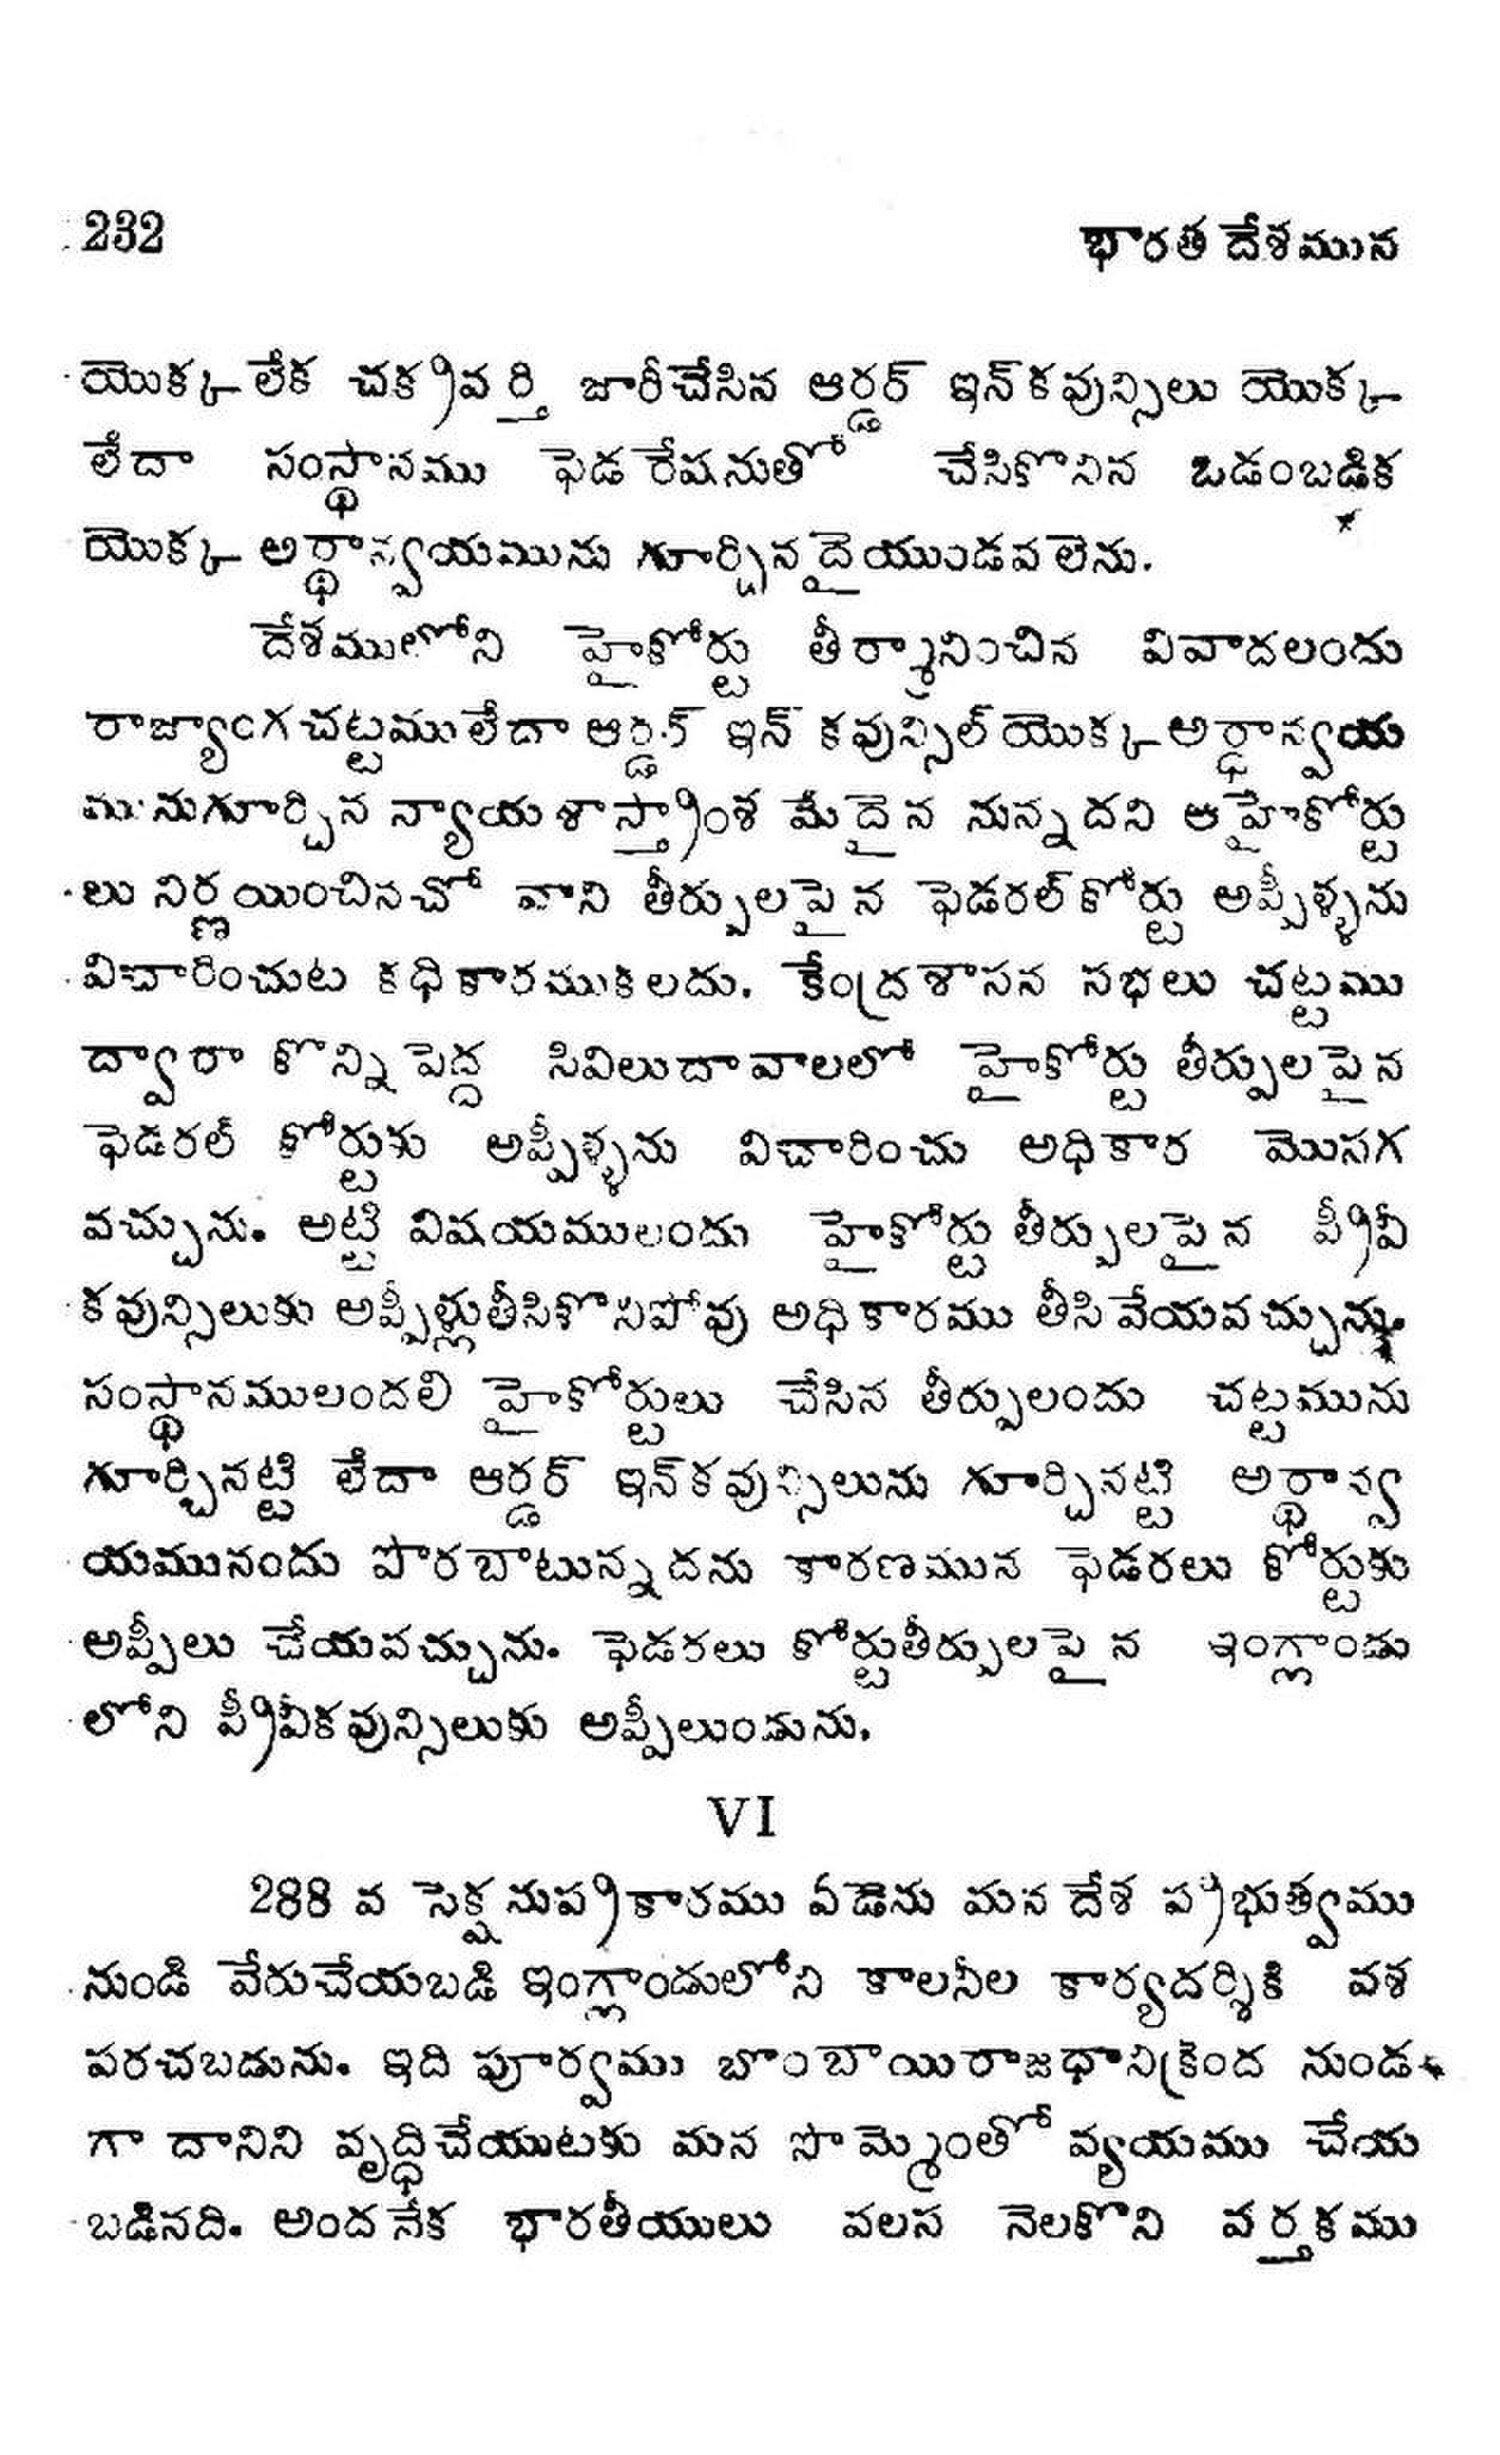యొక్క లేక చక్రవర్తి జారీచేసిన ఆర్డర్ ఇన్‌కవున్సిలుయొక్క లేదా సంస్థానము ఫెడరేషనుతో చేసికొనిన ఒడంబడిక యొక్క అర్థాస్వయమును గూర్చినదైయుండవలెను.

దేశములోని హైకోర్టు తీర్మానించిన వివాదలందు రాజ్యాంగచట్టములేదా ఆర్డర్ ఇన్ కవున్సిల్ యొక్క అర్థాన్వయమును గూర్చిన న్యాయశాస్త్రాంశ మేదైన నున్నదని ఆహైకోర్టులు నిర్ణయించినచో వాని తీర్పులపైన ఫెడరల్‌కోర్టు అప్పీళ్ళను విచారించుట కధికారము కలదు. కేంద్రశాసన సభలు చట్టముద్వారా కొన్ని పెద్ద సివిలుదావాలలో హైకోర్టు తీర్పులపైన
ఫెడరల్ కోర్టుకు అప్పీళ్ళను విచారించు అధికార మొసగవచ్చును. అట్టి విషయములందు హైకోర్టు తీర్పులపైన ప్రీవీ కవున్సిలుకు అప్పీళ్లుతీసికొనిపోవు అధికారము తీసివేయవచ్చును. సంస్థానములందలి హైకోర్టులు చేసిన తీర్పులందు చట్టమును గూర్చినట్టి లేదా ఆర్డర్ ఇన్ కవున్సిలును గూర్చినట్టి అర్థాశ్వయమునందు పొరబాటున్నదను కారణమున ఫెడరలు కోర్టుకు అప్పీలు చేయవచ్చును. ఫెడరలు కోర్టుతీర్పులపైన ఇంగ్లాండులోని ప్రీవీకవున్సిలుకు అప్పీలుండును,

VI 

288 వ సెక్షనుప్రకారము ఏడెను మనదేశ ప్రభుత్వము నుండి వేరుచేయబడి ఇంగ్లాండులోని కాలనీల కార్యదర్శికి వశపరచబడును. ఇది పూర్వము బొంబాయి రాజధానిక్రింద నుండగా దానిని వృద్ధిచేయుటకు మన సొమ్మెంతో వ్యయము చేయబడినది. అందనేక భారతీయులు వలస నెలకొని వర్తకము